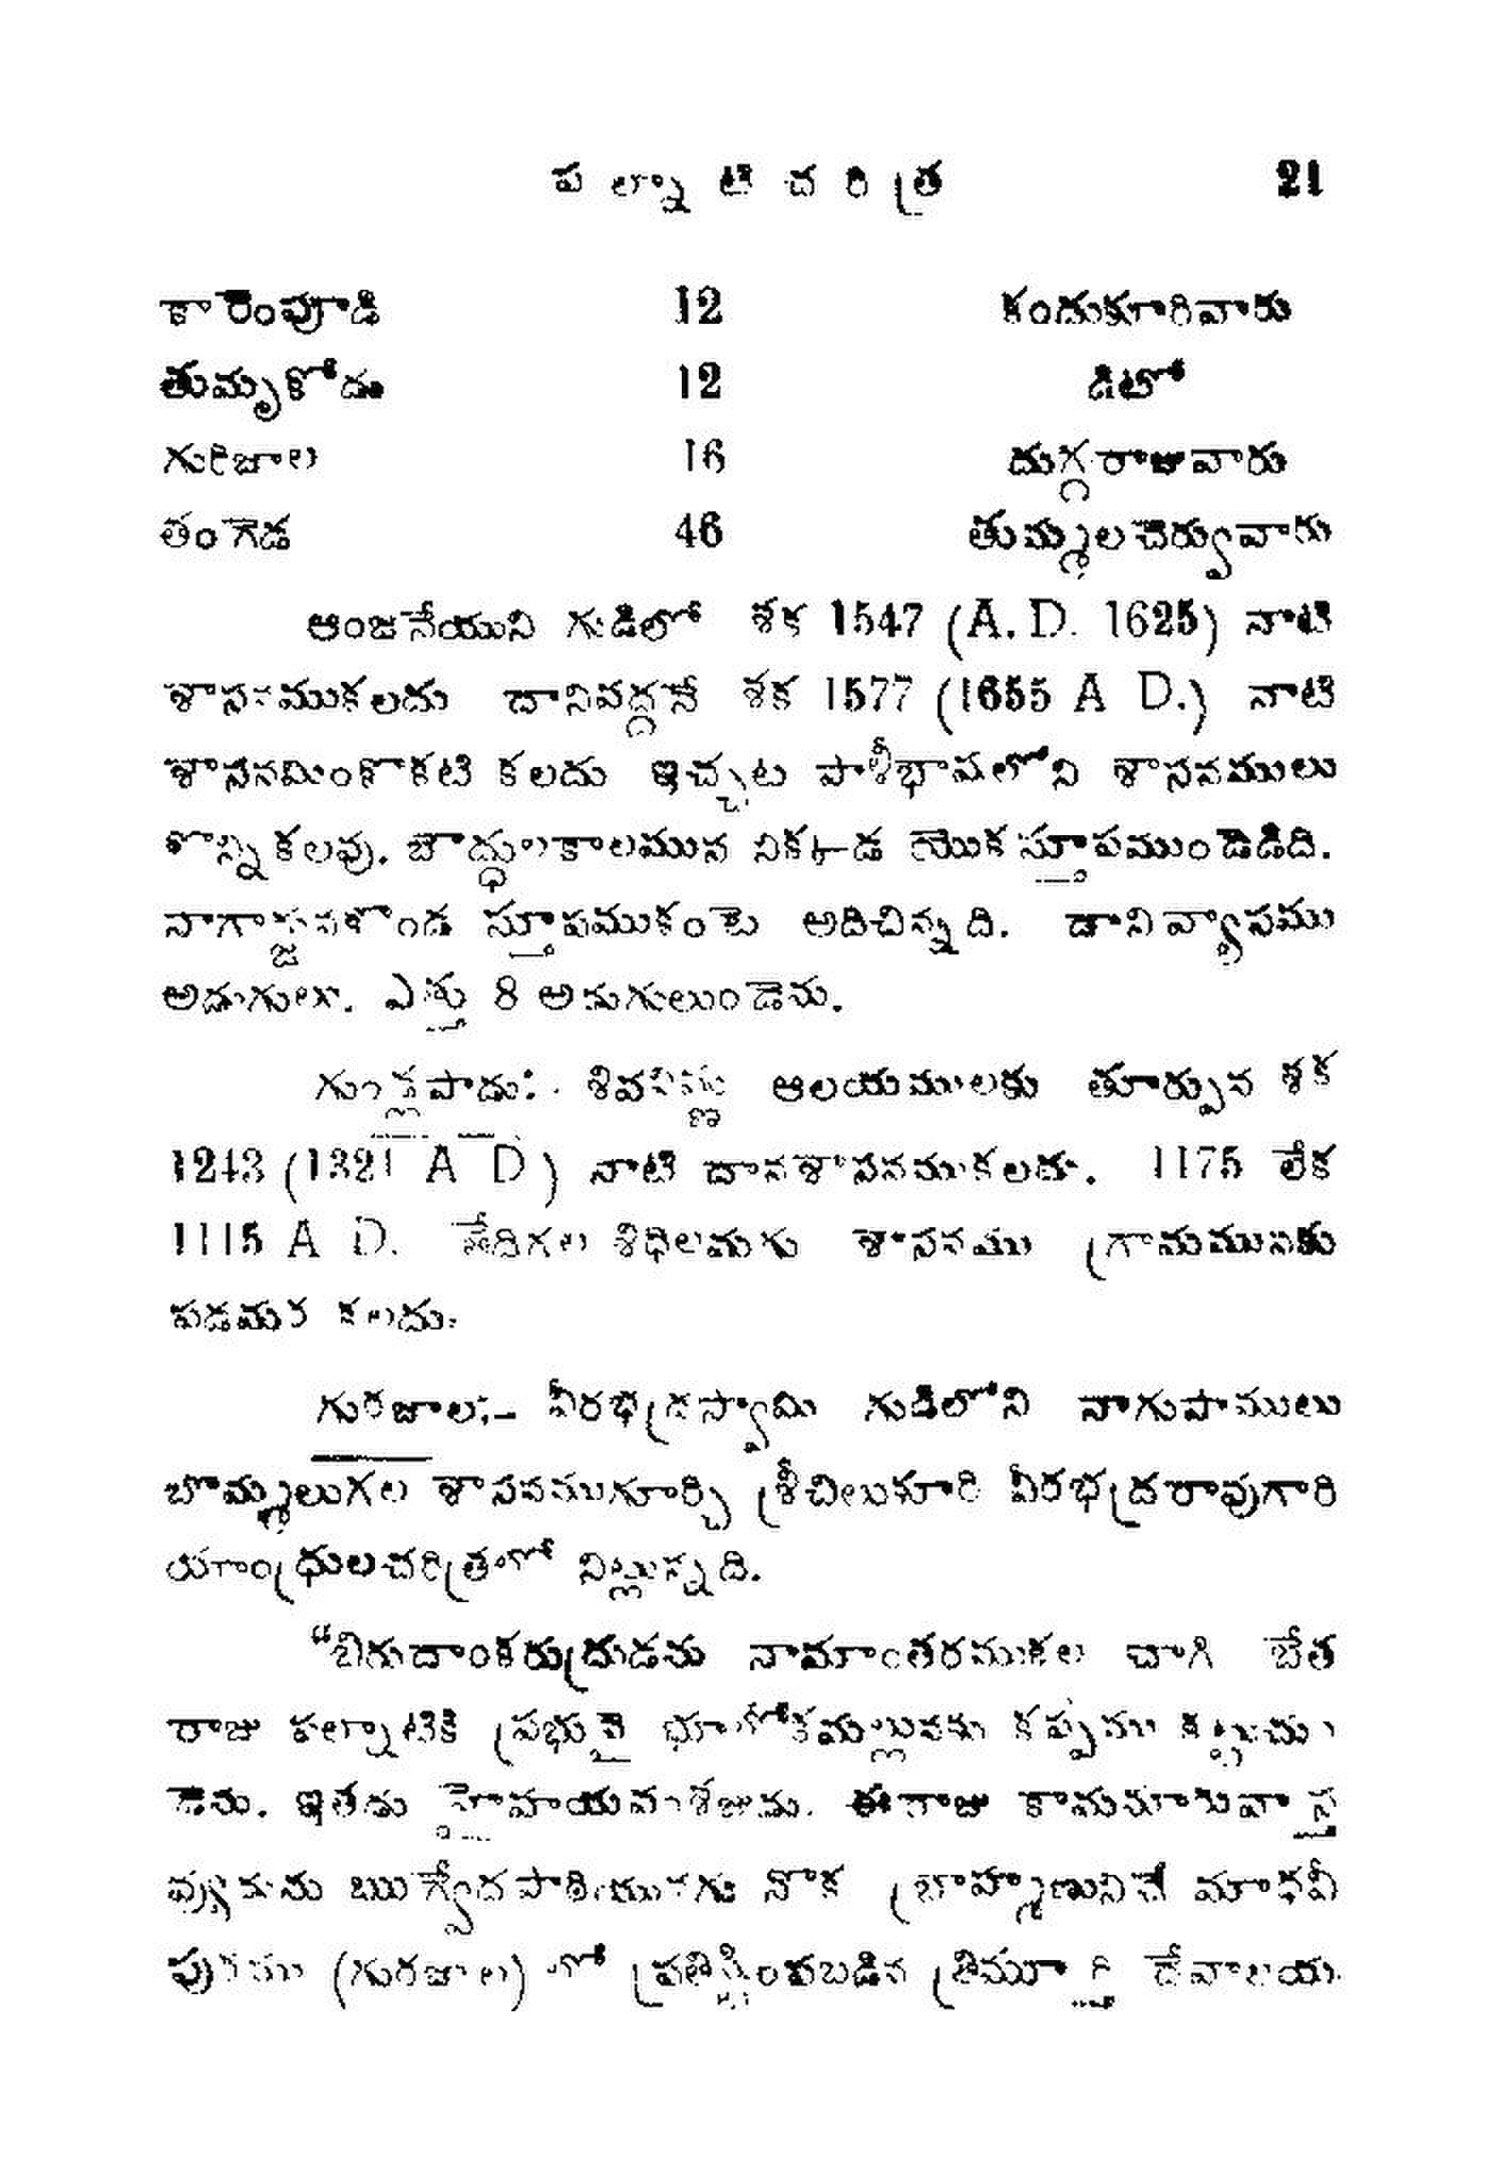+ కారెంపూడి 12 కందుకూరివారు తుమృకోడు 12 డిటో గురిజాల 16 దుగ్గరాజువారు తంగెడ 46 తుమ్మలచెర్వువారు 

ఆంజనేయుని గుడిలో శక 1547 (A.D. 1625) నాటి
శాసనముకలదు దానివద్దనే శక 1577 (1655 AD.) నాటి
శాసనమింకొకటి కలదు ఇచ్చట పాళీభాషలోని శాసనములు
కొన్ని కలవు. బౌద్ధులకాలమున నిక్కడ యొక స్తూపముండెడిది.
నాగార్జునకొండ స్తూపముకంటే అది చిన్నది. దాని వ్యాసము
అడుగులు ఎత్తు 8 అడుగులుండెను.

గుండ్లపాడు: శివవిష్ణు ఆలయములకు తూర్పున శక
1243 (1321 AD) నాటి దానశాసనముకలదు. 1175 లేక
1115 A D తేదిగలు శిధిలమగు శాసనము గ్రామమునకు
పడమర కలదు.

గురజాల:- వీరభద్రస్వామి గుడిలోని నాగుపాములు
బొమ్మలుగల శాసవముగూర్చి శ్రీచిలుకూరి వీరభద్రరావుగారి
ఆంధ్రుల చరిత్రలో నిట్లున్నది.

“బిరుదాంకరుద్రుడను నామాంతరముగల చాగి బేతరాజు 
పల్నాటికి ప్రభువై భూలోకమల్లునకు కప్పము కట్టుచుండెను. 
ఇతడు హైహయవంశజుడు. ఈరాజు కామనూరు వాస్తవ్యుడును 
ఋగ్వేదపాఠియునగు నొక బ్రాహ్మణునిచే మాధవీపురము (గురజాల)లో 
ప్రతిష్టించబడిన త్రిమూర్తి దేవాలయ